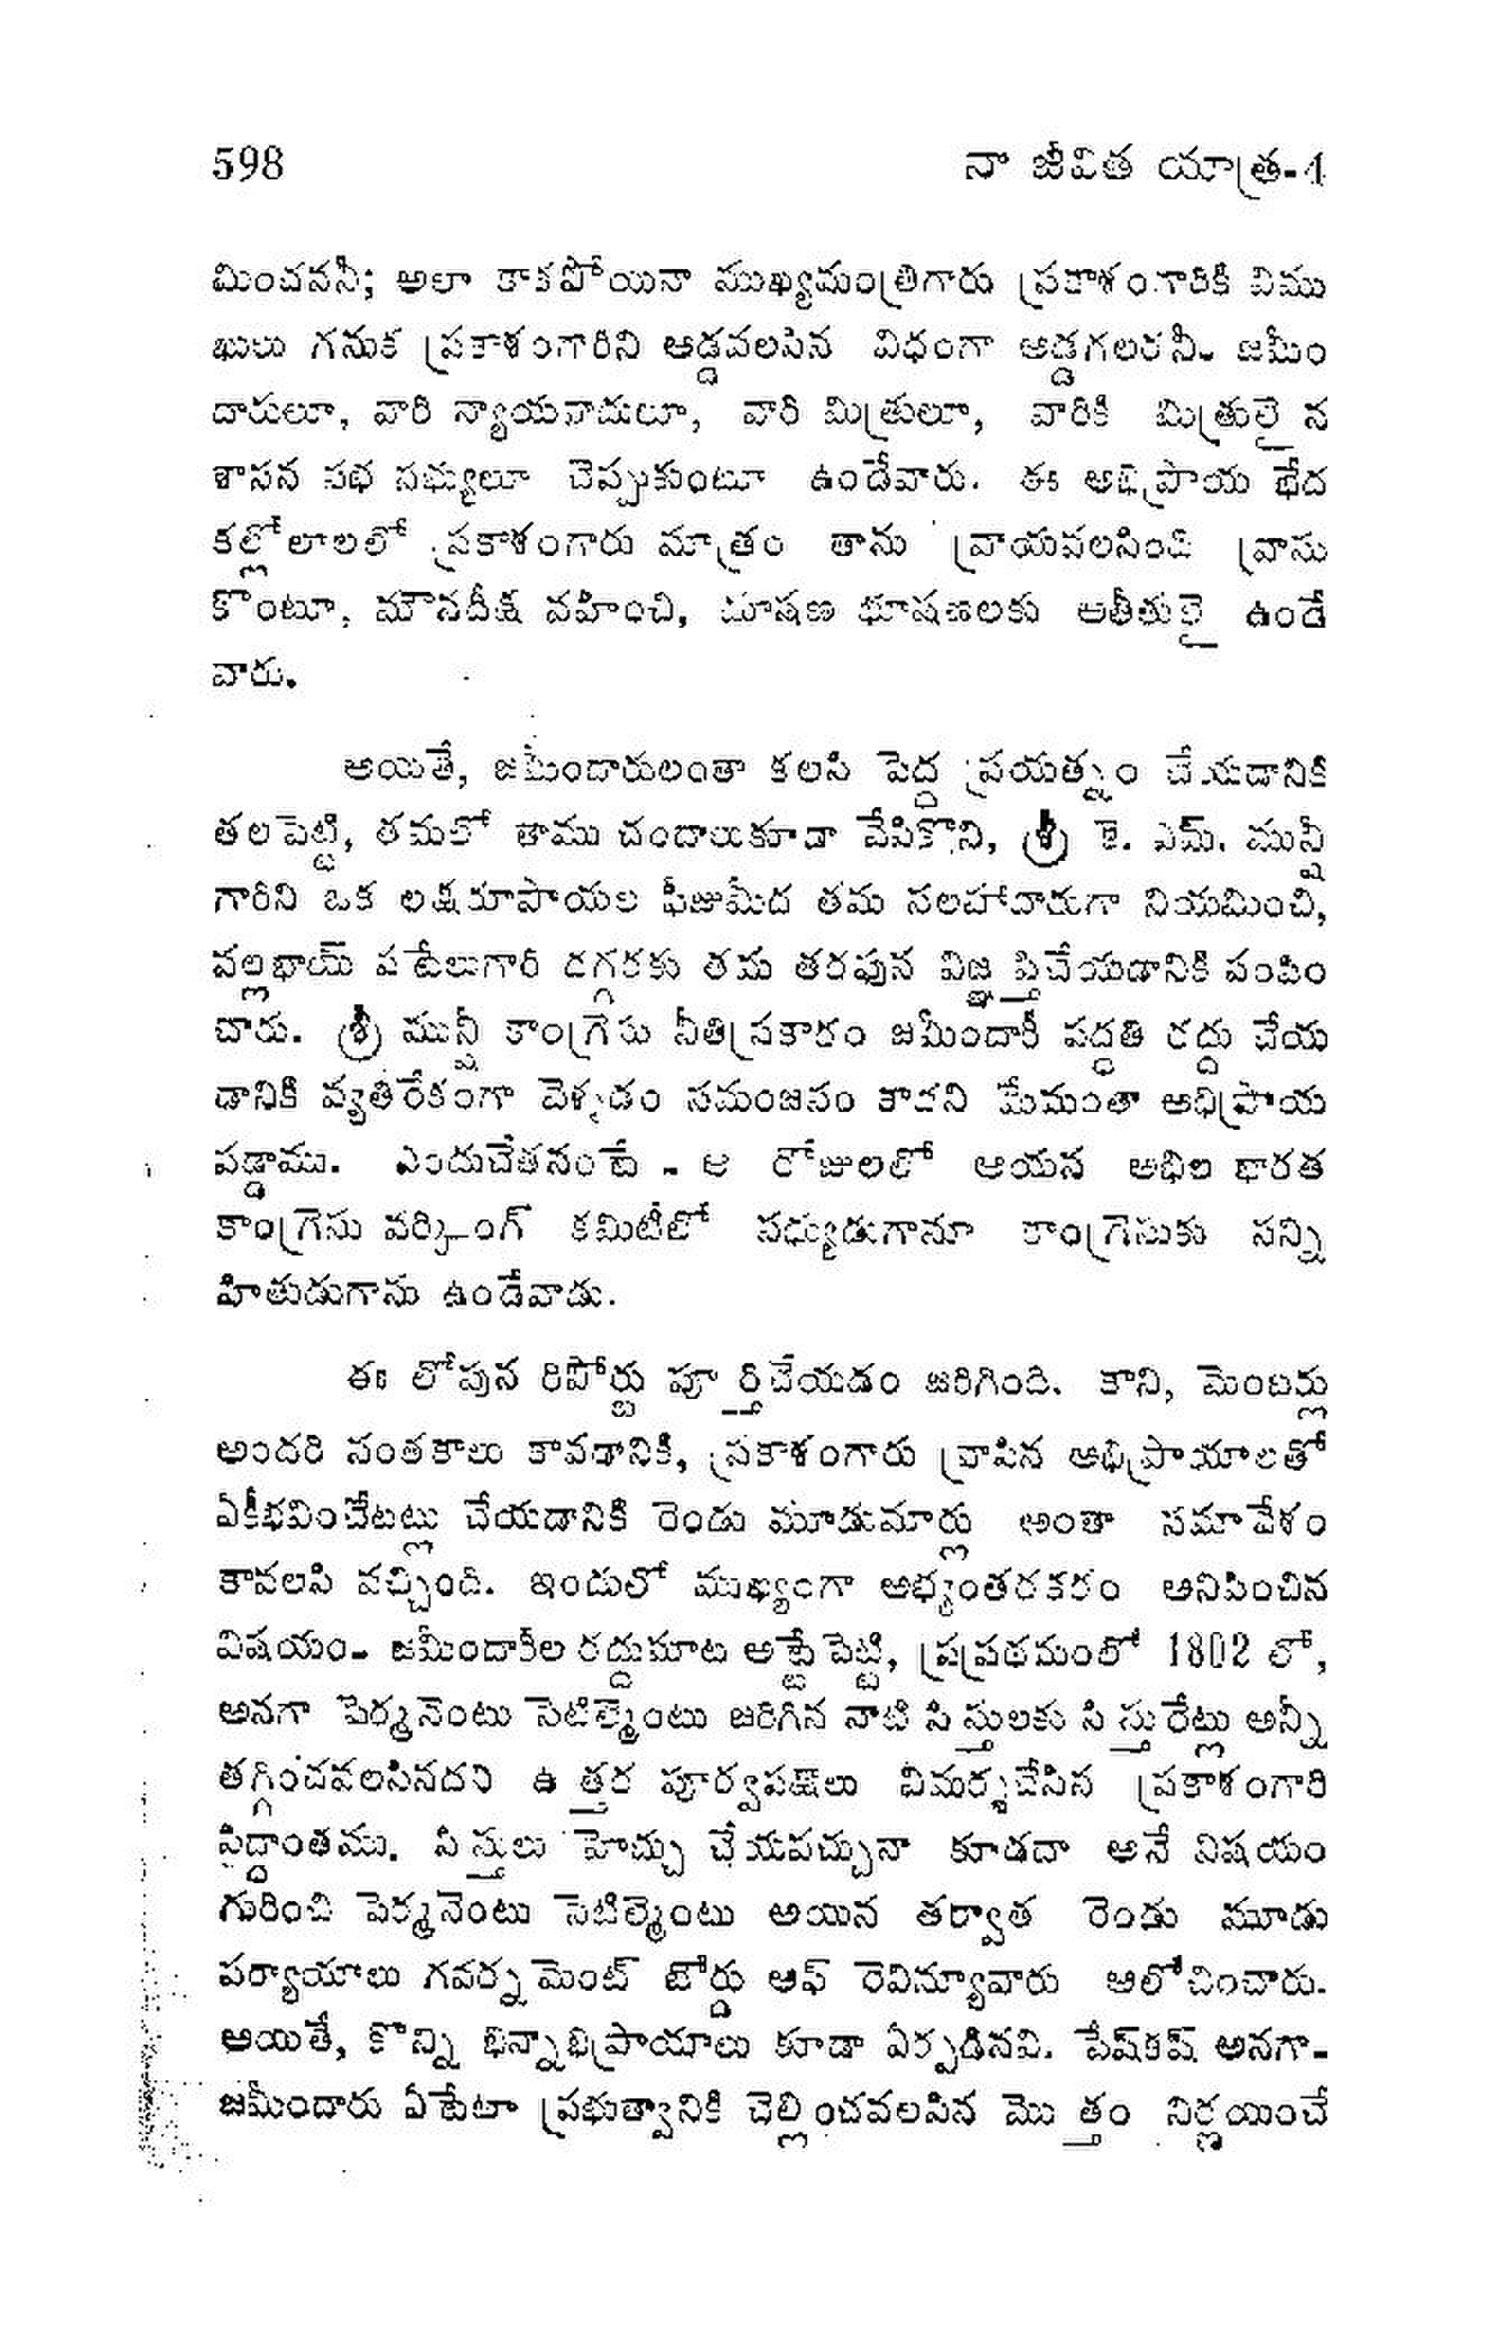మించవనీ; అలా కాకపోయినా ముఖ్యమంత్రిగారు ప్రకాశంగారికి విముఖులు గనుక ప్రకాశంగారిని అడ్డవలసిన విధంగా అడ్డగలరనీ - జమీందారులూ, వారి న్యాయవాదులూ, వారి మిత్రులూ, వారికి మిత్రులైన శాసన సభ సభ్యులూ చెప్పుకుంటూ ఉండేవారు. ఈ అభిప్రాయ భేద కల్లోలాలలో ప్రకాశంగారు మాత్రం తాను వ్రాయవలసింది వ్రాసుకొంటూ, మౌనదీక్ష వహించి, దూషణ భూషణలకు అతీతులై ఉండేవారు.

అయితే, జమీందారులంతా కలసి పెద్ద ప్రయత్నం చేయడానికి తలపెట్టి, తమలో తాము చందాలుకూడా వేసికొని, శ్రీ కె. ఎం. మున్షీ గారిని ఒక లక్షరూపాయల ఫీజుమీద తమ సలహాదారుగా నియమించి, వల్లభాయ్ పటేలుగారి దగ్గరకు తమ తరపున విజ్ఞప్తిచేయడానికి పంపించారు. శ్రీ మున్షీ కాంగ్రెసు నీతిప్రకారం జమీందారీ పద్ధతి రద్దు చేయడానికి వ్యతిరేకంగా వెళ్ళడం సమంజసం కాదని మేమంతా అభిప్రాయపడ్డాము. ఎందుచేతనంటే - ఆ రోజులలో ఆయన అఖిల భారత కాంగ్రెసు వర్కింగ్ కమిటీలో సభ్యుడుగానూ కాంగ్రెసుకు సన్నిహితుడుగాను ఉండేవాడు.

ఈ లోపున రిపోర్టు పూర్తిచేయడం జరిగింది. కాని, మెంబర్లు అందరి సంతకాలు కావడానికి, ప్రకాశంగారు వ్రాసిన అభిప్రాయాలతో ఏకీభవించేటట్లు చేయడానికి రెండు మూడుమార్లు అంతా సమావేశం కావలసి వచ్చింది. ఇందులో ముఖ్యంగా అభ్యంతరకరం అనిపించిన విషయం - జమీందారీల రద్దుమాట అట్టేపెట్టి, ప్రప్రథమంలో 1802 లో, అనగా పెర్మనెంటు సెటిల్మెంటు జరిగిన నాటి సిస్తులకు సిస్తురేట్లు అన్నీ తగ్గించవలసినదని ఉత్తర పూర్వపక్షాలు విమర్శచేసిన ప్రకాశంగారి సిద్దాంతము. సిస్తులు హెచ్చు చేయవచ్చునా కూడదా అనే విషయం గురించి పెర్మనెంటు సెటిల్మెంటు అయిన తర్వాత రెండు మూడు పర్యాయాలు గవర్నమెంట్ బోర్డు ఆఫ్ రెవిన్యూవారు ఆలోచించారు. అయితే, కొన్ని భిన్నాభిప్రాయాలు కూడా ఏర్పడినవి. పేష్‌కష్ అనగా - జమీందారు ఏటేటా ప్రభుత్వానికి చెల్లించవలసిన మొత్తం నిర్ణయించే